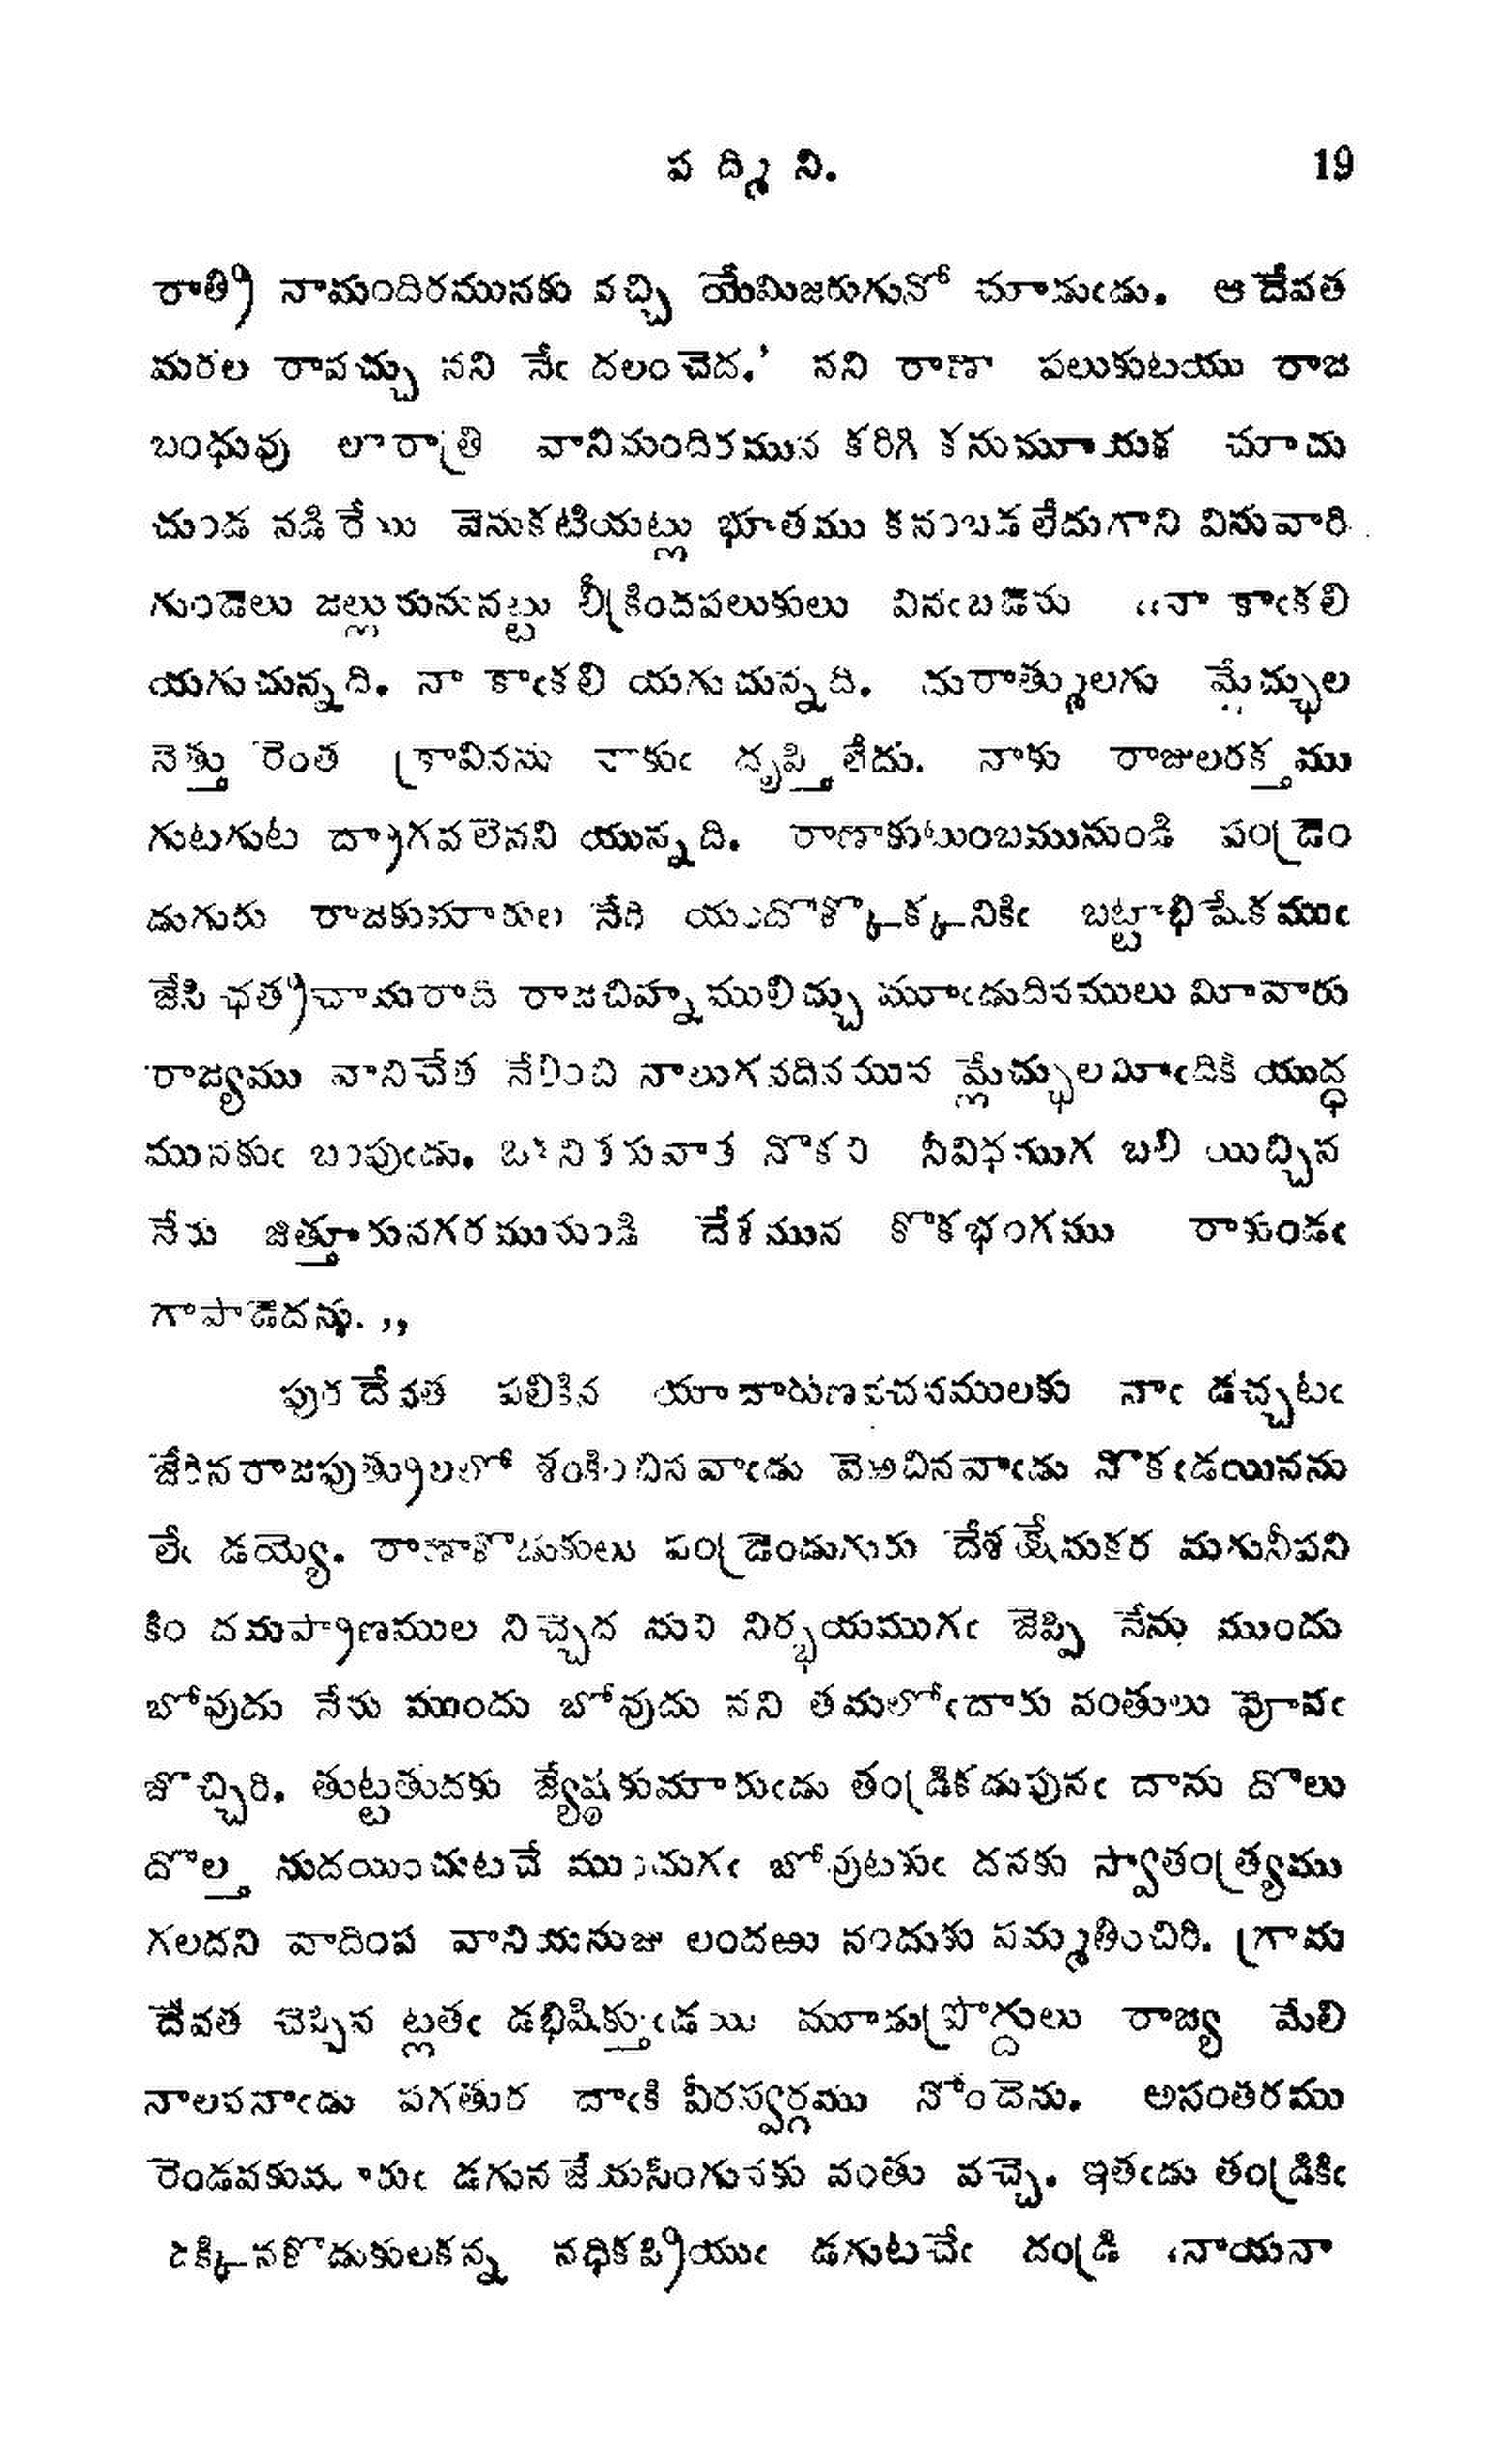రాత్రి నామందిరమునకు వచ్చి యేమిజరుగునో చూడుఁడు. ఆదేవత మరల రావచ్చు నని నేఁ దలంచెద.'నని రాణా పలుకుటయు రాజ బంధువు లారాత్రి వాని మందిరమున కరిగి కనుమూయక చూచుచుండ నడిరేయి వెనుకటియట్లు భూతము కనంబడలేదుగాని వినువారి గుండెలు జల్లు మనునట్టు లీక్రిందపలుకులు వినఁబడెను. "నా కాకలి యగు చున్నది. నా కాఁకలి యగు చున్నది. దురాత్ములగు మ్లేచ్చుల నెత్తు 'రెంత త్రావినను నాకుఁ దృప్తి లేదు. నాకు రాజులరక్తము గుటగుట ద్రాగవలేనని యున్నది. రాణాకుటుంబమునుండి పండ్రెండుగురు రాజకుమారులు 'నేరి యందొక్కొక్కనికి బట్టాభిషేకముఁ జేసి ఛత్ర చామరాది రాజచిహ్నములిచ్చు మూఁడు దినములు మీవారు ‘రాజ్యము వాని చేత నేలించి నాలుగవదినమున మ్లేచ్చుల మీఁదికి యుద్దమునకుఁ బంపుఁడు. ఒక నితరువాత నోకని నీవిధముగ బలి యిచ్చిన నేను జిత్తూరునగరమునుండి దేశమున కొక భంగము రాకుండఁ గాపాడెదను. "

పుర దేవత పలికిన యాదారుణవచనములకు నాఁ డచ్చటఁ జేరిన రాజపుత్రులలో శంకించిన వాఁడు వెఱచినవాఁడు నొకఁడయినను లేఁడయ్యె. రాణాకోడుకులు పండ్రెండుగురు 'దేశ క్షేమకర మగునీపని
కిం దమప్రాణముల నిచ్చెద మని నిర్భయముగఁ జెప్పి 'నేను ముందు బోవుదు నేను ముందు బోవుదు నని తమలోఁ దారు వంతులు వేసఁ జొచ్చిరి. తుట్టతుదకు జ్యేష్ఠకుమారుఁడు తండ్రిక డుపునఁ దాను దొలు
దొల్త నుదయించుటచే ముందుగఁ బోవుటకుఁ దనకు స్వాతంత్ర్యాము గలదని వాదింప వాని యనుజు లందఱు నందుకు సమ్మతించిరి. గ్రామదేవత చెప్పినట్లతఁ డభిషిక్తుడయి మూడు ప్రొద్దులు రాజ్యమేలి నాలవనాఁడు పగతుర దాఁకి వీర స్వర్గము నొందెను.అనంతరము రెండవ కుమారుఁ డగున జేయసింగువకు వంతు వచ్చె. ఇతఁడు తండ్రికి దక్కినకొడుకులకన్న నధిక ప్రియుఁ డగుటచేఁ దండ్రి 'నాయనా